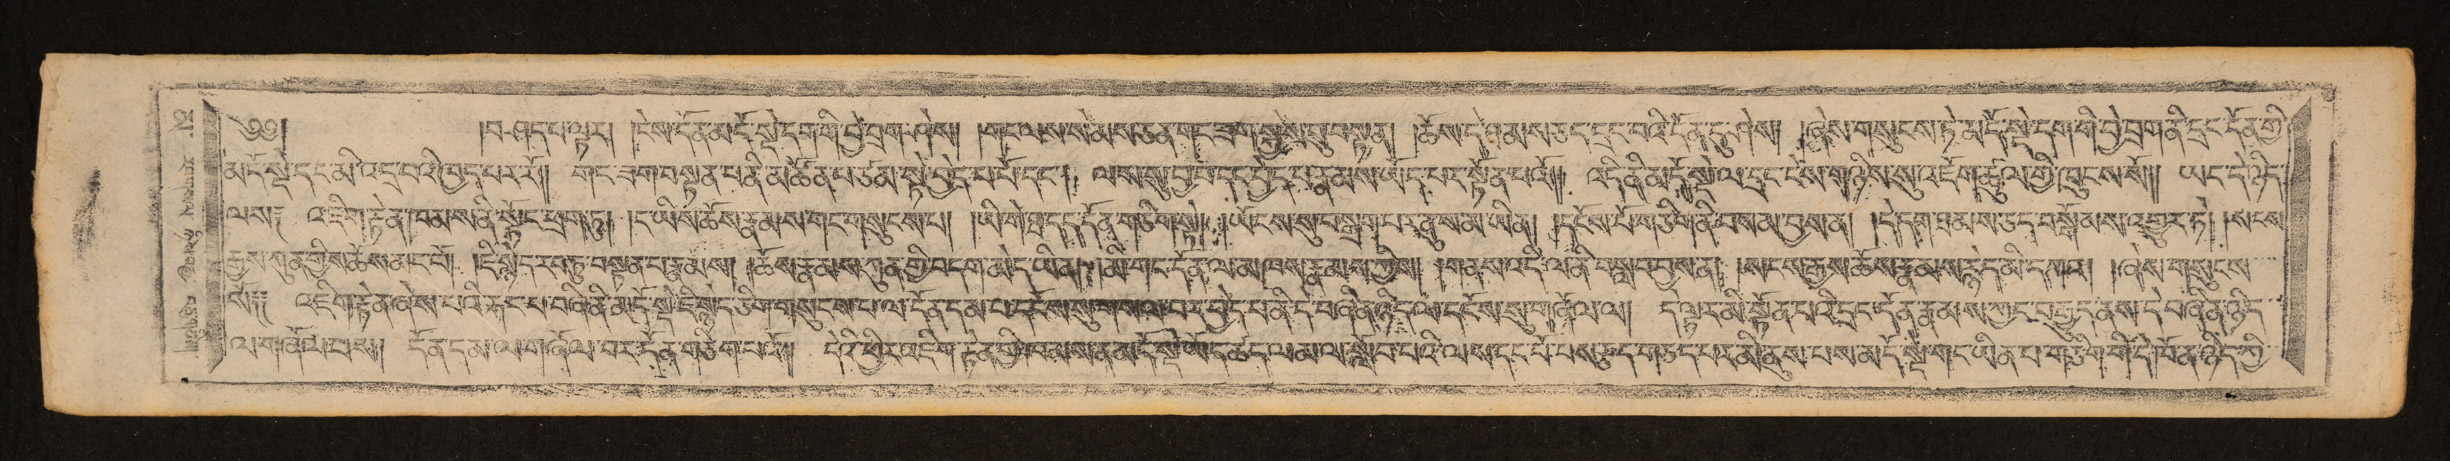༄༅། །བཤད་པ་ལྟར། །ངེས་དོན་མདོ་སྡེ་དག་གི་བྱེ་བྲག་ཤེས། །གང་ལས་སེམས་ཅན་གང་ཟག་སྐྱེས་བུ་བསྟན། །ཆོས་དེ་ཐམས་ཅད་དྲང་བའི་དོན་དུ་ཤེས། །ཞེས་གསུངས་ཏེ་མདོ་སྡེ་དག་གི་བྱེ་བྲག་ནི་དྲང་དོན་གྱི་
མདོ་སྡེ་དང་མི་འདྲ་བའི་ཁྱད་པར་རོ།། གང་ཟག་བསྟན་པ་ནི་མཚོན་པ་ཙམ་སྟེ་བྱེད་པ་པོ་དང་། ལས་སུ་བྱ་བ་དང་བྱེད་པ་རྣམས་ཡོད་པར་སྟོན་པའོ།། འདི་ནི་མདོ་སྡེ་ལ་དྲང་ངེས་གཉིས་སུ་འཇོག་ཚུལ་གྱི་ཁུངས་སོ།། ཡང་དེ་ཉིད་
ལས༑ འཇིག་རྟེན་ཁམས་ནི་སྟོང་ཕྲག་ཏུ། །ང་ཡིས་ཆོས་རྣམས་གང་གསུངས་པ། །ཡི་གེ་ཐ་དད་དོན་གཅིག་སྟེ། །ཡོངས་སུ་བསྒྲག་པར་ནུས་མ་ཡིན། །དངོས་པོ་གཅིག་ནི་བསམ་བྱས་ན། །དེ་དག་ཐམས་ཅད་བསྒོམས་འགྱུར་ཏེ། །སངས་
རྒྱས་ཀུན་གྱིས་ཆོས་མང་པོ། །ཇི་སྙེད་རབ་ཏུ་བསྟན་པ་རྣམས། །ཆོས་རྣམས་ཀུན་གྱི་བདག་མེད་ཡིན། །མི་གང་དོན་ལ་མཁས་རྣམས་ཀྱིས། །གནས་འདི་ལ་ནི་བསླབ་བྱས་ན། །སངས་རྒྱས་ཆོས་རྣམས་རྙེད་མི་དཀའ། །ཞེས་གསུངས་
སོ༑༑ འཇིག་རྟེན་ཞེས་པའི་རྐང་པ་བཞི་ནི་མདོ་སྡེ་ཇི་སྙེད་ཅིག་གསུངས་པ་ལ་དོན་དམ་པ་དངོས་སུ་གསལ་བར་བྱེད་པ་ནི་དེ་བཞིན་ཉིད་ལ་དངོས་སུ་གཞོལ་ལ། དེ་ལྟར་མི་སྟོན་པའི་དྲང་དོན་རྣམས་ཀྱང་བརྒྱུད་ནས་དེ་བཞིན་ཉིད་
ལ་གཞོལ་བས། དོན་དམ་ལ་གཞོལ་བར་དོན་གཅིག་པའོ།། དེའི་ཕྱིར་འཇིག་རྟེན་གྱི་ཁམས་ན་མདོ་སྡེ་ཡོད་ཚད་ལམ་ལ་སློབ་པའི་ལས་དང་པོ་པས་རྩད་གཅད་པར་མི་ནུས་པས་མདོ་སྡེ་གང་ཡིན་པ་གཅིག་གི་དེ་ཁོ་ན་ཉིད་ཀྱི་